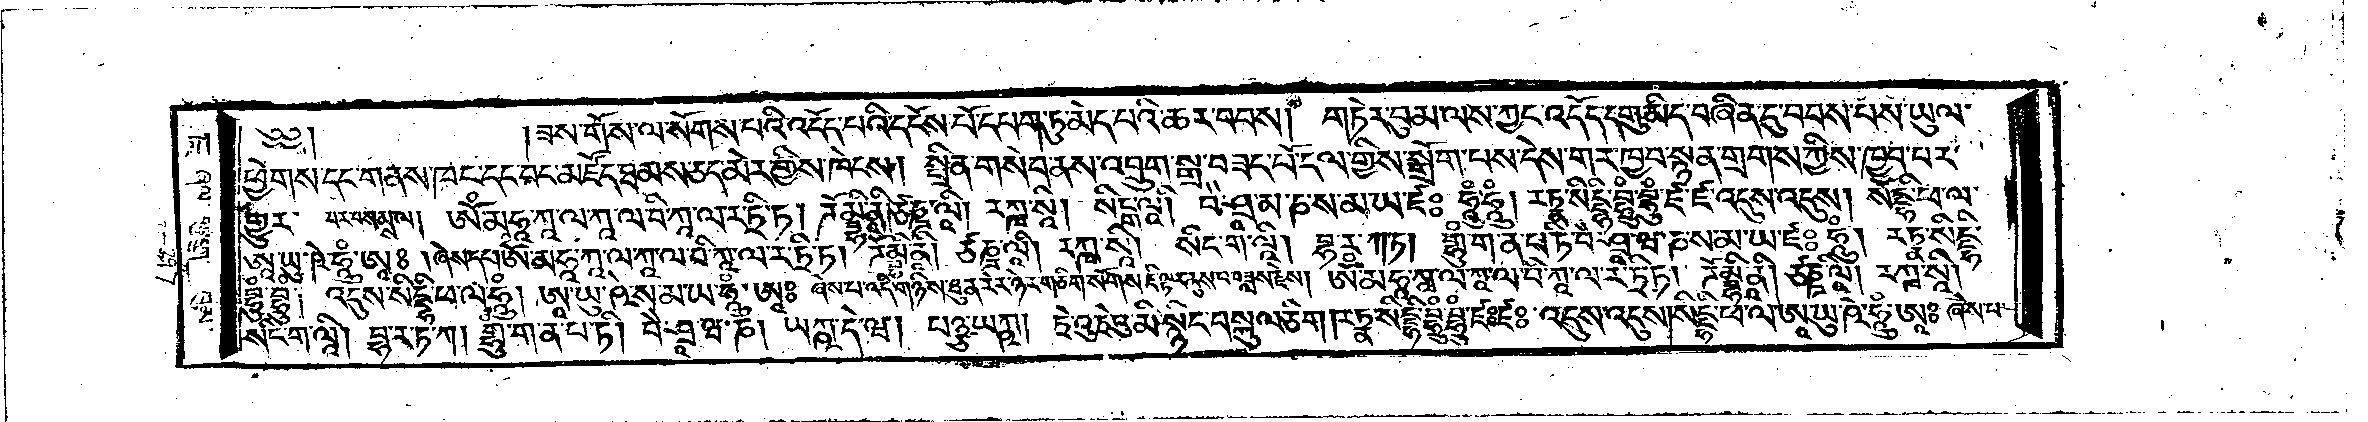༄༅། །ཟས་གོས་ལ་སོགས་པའི་འདོད་པའི་དངོས་པོ་དཔག་ཏུ་མེད་པའི་ཆར་བབས། གཏེར་བུམ་ལས་ཀྱང་འདོད་དགུ་ཡིད་བཞིན་དུ་བབས་པས་ཡུལ་
ཕྱོགས་དང་གནས་ཁང་དང་བང་མཛོད་ཐམས་ཅད་མེར་གྱིས་ཁེངས། སྤྲིན་གསེབ་ནས་འབྲུག་སྒྲ་བཟང་པོ་དལ་གྱིས་སྒྲོག་པས་དེས་གར་ཁྱབ་སྙན་གྲགས་ཀྱིས་ཁྱབ་པར་
གྱུར་བར་བསམས་ལ།  ཨོཾ་མཧཱ་ཀཱ་ལ་ཀཱ་ལ་བི་ཀཱ་ལ་ར་ཏྲི་ཏ། ཌོམྦྷི་ནི། ཙོཎྜ་ལཱི། རཀྑ་སཱི། སིངྒ་ལཱི། བཻ་ཤྲཱམ་ཎ་ས་མ་ཡ་ཛཿཧཱུཾ་ཧཱུཾ། རཏྣ་སིདྡྷི་བྷུཾ་བྷུཾ་ཛ་ཛ་འདུས་འདུས། སིདྡྷི་ཕལ་
ཨཱ་ཡུ་ཥེ་ཧཱུཾ་ཨཱཿ །ཞེས་དང་།  ཨོ་མ་ཧཱ་ཀཱ་ལ་ཀཱ་ལ་བི་ཀཱ་ལ་ར་ཏྲི་ཏ། ཌོམྦྷི་ནཱི། ཙཎྜ་ལཱི། རཀྑ་སཱི། སིང་གཾ་ལཱི། བྷ་རཱ་ཀཏ། གྷུཾ་ག་ན་པ་ཏི་བཻ་ཤྲ་ཝ་ཎ་ས་མ་ཡ་ཛཿཧཱུཾ། རཏྣ་སིདྡྷི་
བྷུཾ་བྷུཾ༑ འདུས་སིདྡྷི་ཕ་ལ་ཧཱུཾ། ཨཱ་ཡུ་ཥེ་ས་མ་ཡ་ཧཱུཾ་ཨཱཿཞེས་པ་འདི་གཉིས་ཐུན་རེར་ཉེར་གཅིག་སོགས་ཇི་ལྟར་ནུས་པ་བཟླས་རྗེས།  ཨོ་མ་ཧཱ་ཀཱ་ལ་ཀཱ་ལ་བི་ཀཱ་ལ་ར་ཏྲི་ཏ། ཌོམྦྷི་ནཱི། ཙཎྜ་ལཱི། རཀྑི་སཱི།
སེང་ག་ལཱི། བྷ་ར་ཏ་ཀ། གྷུཾ་ག་ན་པ་ཏི། བཻ་ཤྲཱ་ཝ་ཎ། ཡཀྵ་དེ་ཝ། པཉྩ་ཡཀྵ། ཏྲེ་འུ་ཏྲེ་འུ་མི་སྙིང་བསྐུལ་ཅིག །རཏྣ་སིདྡྷི་བྷུཾ་བྷུཾ་ཛཿ ཛཿ འདུས་འདུས། སིདྡྷི་ཕ་ལ་ཨཱ་ཡུ་ཥེ་ཧཱུཾ་ཨཱཿཞེས་པ་